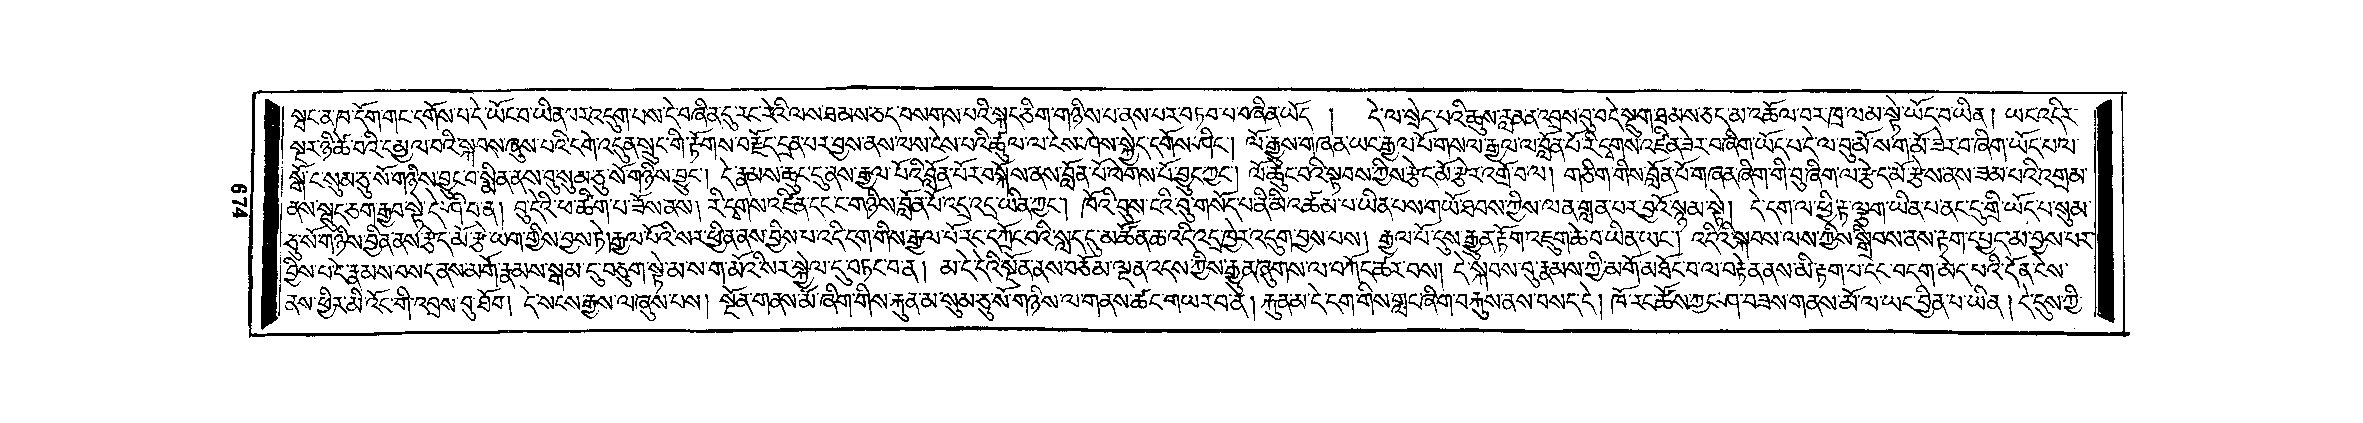སྦང་ན་ཁ་དོག་གང་དགོས་པ་དེ་ཡོང་བ་ཡིན་པར་འདུག་པས་དེ་བཞིན་དུ་རང་རེའི་ལས་ཐམས་ཅད་བསགས་པའི་སྐད་ཅིག་གཉིས་པ་ནས་པར་བཏབ་པ་བཞིན་ཡོད། དེ་ལ་སྲེད་པའི་ཆུས་རླན་ན་འབྲས་བུ་བདེ་སྡུག་ཐམས་ཅད་མ་འཆོལ་བར་ཁྲ་ལམ་སྟེ་ཡོད་པ་ཡིན། ཡང་འདིར་
སྔར་ཉི་ཚེ་བའི་དམྱལ་བའི་སྐབས་ཞུས་པའི་དགེ་འདུན་སྲུང་གི་རྟོགས་བརྗོད་དྲན་པར་བྱས་ནས་ལས་ངེས་པའི་ཚུལ་ལ་ངེས་ཤེས་སྐྱེད་དགོས་ཤིང་། ལོ་རྒྱུས་གཞན་ཡང་རྒྱལ་པོ་གསལ་རྒྱལ་ལ་བློན་པོ་རི་དྭགས་འཛིན་ཟེར་བ་ཞིག་ཡོད་པ་དེ་ལ་བུ་མོ་སག་མོ་ཟེར་བ་ཞིག་ཡོད་པ་ལ་
སྒོ་ང་སུམ་ཅུ་སོ་གཉིས་བྱུང་བ་སྨིན་ནས་བུ་སུམ་ཅུ་སོ་གཉིས་བྱུང་། དེ་རྣམས་ཆུང་དུ་ནས་རྒྱལ་པོའི་བློན་པོར་བསྐོས་ནས་བློན་པོ་ལེགས་པོ་བྱུང་ཀྱང་། ལོ་ཆུང་བའི་སྟབས་ཀྱིས་རྩེད་མོ་རྩེར་འགྲོ་བ་ལ། གཅིག་གིས་བློན་པོ་གཞན་ཞིག་གི་བུ་ཞིག་ལ་རྩེད་མོ་རྩེས་ནས་ཟམ་པའི་འགྲམ་
ནས་སྦུང་ཅག་རྒྱབ་སྟེ་དེ་ཤི་བ་ན། བུ་དེའི་ཕ་ཚིག་པ་ཟོས་ནས། རི་དྭགས་འཛིན་དང་ང་གཉིས་བློན་པོ་འདྲ་འདྲ་ཡིན་ཀྱང་། ཁོའི་བུས་ངའི་བུ་གསོད་པ་ནི་མི་འཚམ་པ་ཡིན་པས་གཡོ་ཐབས་ཀྱིས་ལན་གླན་པར་བྱའོ་སྙམ་སྟེ། དེ་དག་ལ་ཕྱི་རྟ་ལྕག་ཡིན་པ་ནང་དུ་གྲི་ཡོད་པ་སུམ་
ཅུ་སོ་གཉིས་བྱིན་ནས་རྩེད་མོ་རྩེ་ཡག་གྱིས་བྱས་ཏེ། རྒྱལ་པོའི་སར་ཕྱིན་ནས་བྱིས་པ་འདི་དག་གིས་རྒྱལ་པོ་རང་དཀྲོང་བའི་སླད་དུ་མཚོན་ཆ་འདི་འདྲ་ཁྱེར་འདུག་བྱས་པས། རྒྱལ་པོ་དུས་རྒྱུན་རྟོག་འཇུག་ཆེ་བ་ཡིན་ཡང་། འདིའི་སྐབས་ལས་ཀྱིས་སྒྲིབས་ནས་རྟག་དཔྱད་མ་བྱས་པར་
བྱིས་པ་དེ་རྣམས་བསད་ནས་མགོ་རྣམས་སྒམ་དུ་བཅུག་སྟེ་མ་ས་ག་མོའི་སར་སྐྱེལ་དུ་བཏང་བ་ན། མ་དེ་དེའི་སྔོན་ནས་བཅོམ་ལྡན་འདས་ཀྱིས་རྒྱུན་ཞུགས་ལ་བཀོད་ཚར་བས། དེ་སྐབས་བུ་རྣམས་ཀྱི་མགོ་མཐོང་བ་ལ་བརྟེན་ནས་མི་རྟག་པ་དང་བདག་མེད་པའི་དོན་ངེས་
ནས་ཕྱིར་མི་འོང་གི་འབྲས་བུ་ཐོབ། དེ་སངས་རྒྱས་ལ་ཞུས་པས། སྔོན་གནས་མོ་ཞིག་གིས་རྐུན་མ་སུམ་ཅུ་སོ་གཉིས་ལ་གནས་ཚང་གཡར་བ་ན། རྐུན་མ་དེ་དག་གིས་གླང་ཞིག་བརྐུས་ནས་བསད་དེ། ཁོ་རང་ཚོས་ཀྱང་ཤ་བཟས་གནས་མོ་ལ་ཡང་བྱིན་པ་ཡིན། དེ་དུས་ཀྱི་